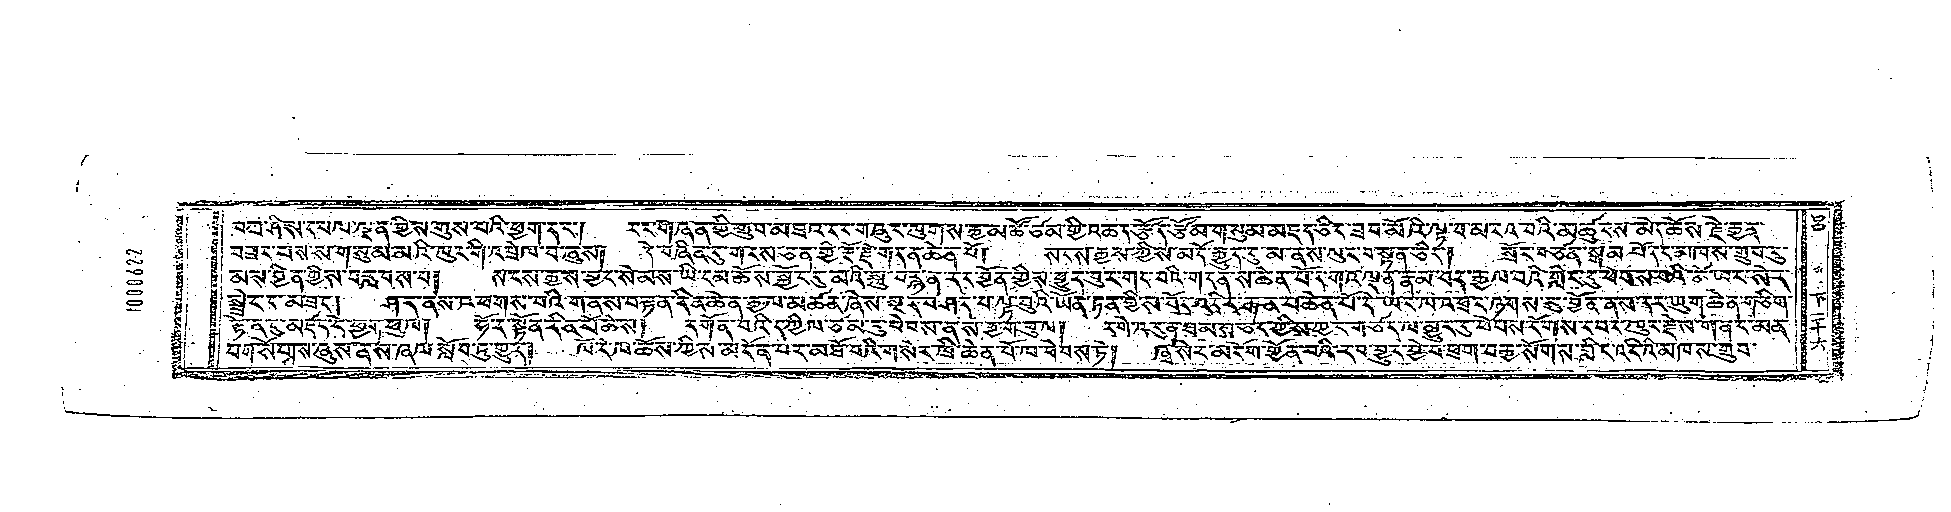བཀྲ་ཤིས་དཔལ་ལྡན་གྱིས་གུས་པའི་ཕྱག་དང་། རང་གཞན་གྱི་གྲུབ་མཐའ་དང་གཞུང་ལུགས་རྒྱ་མཚོ་ཙམ་གྱི་འཆད་རྩོད་རྩོམ་གསུམ་མཛད་ཅིང་ཟབ་མོའི་ལྟ་བ་མངའ་བའི་མཚུངས་མེད་ཆོས་རྗེ་རྒྱན་
བཟང་པས་ས་གསུམ་མའི་ལུང་གི་འབྲེལ་བ་ཞུས། དེ་བཞིན་དུ་གངས་ཅན་གྱི་རྡོ་རྗེ་གདན་ཆེན་པོ། སངས་རྒྱས་ཀྱིས་མདོ་རྒྱུད་དུ་མ་ནས་ལུང་བསྟན་ཅིང་། སྲོང་བཙན་སྒམ་པོ་དང་མཁས་གྲུབ་དུ་
མས་བྱིན་གྱིས་བརླབས་པ། སངས་རྒྱས་བྱང་སེམས་ཡི་དམ་ཆོས་སྐྱོང་དུ་མའི་སྐུ་བརྙན་རང་བྱོན་གྱིས་ཕྱུར་བུར་གང་བའི་གདན་ས་ཆེན་པོ་དགའ་ལྡན་རྣམ་བར་རྒྱལ་བའི་གླིང་དུ་ཕེབས་པའི་ཚེ་ཡང་སེར་
སྤྲེང་ང་མ་ཟད། ཤར་ནས་འཕགས་པའི་གནས་བརྟན་རིན་ཆེན་རྒྱལ་མཚན་ཞེས་སྔར་བཤད་པ་ལྟ་བུའི་ཡོན་ཏན་གྱིས་བོད་འདིར་རྒན་པ་ཆེན་པོ་དེ་ཡང་ལ་འཕྲང་ཉགས་སུ་བྱོན་ནས་དར་ཡུག་ཆེན་གཅིག་
རྟེན་དུ་མཛད་དེ་ཕྱག་ཕུལ། ཧོར་སྟོན་རིན་པོ་ཆེས། དགོན་པའི་དཀྱིལ་ཙམ་དུ་ཕེབས་ནས་ཕྱག་ཕུལ། དགེ་འདུན་ཐམས་ཅད་ཀྱིས་ཀྱང་གཙང་ལ་མྱུར་དུ་ཕེབས་དོགས་དབང་ལུང་རྗེས་གནང་མན་
དག་སོགས་ཞུས་ནས་ཞལ་སློབ་ཏུ་གྱུར། ལོ་དེ་ལ་ཆོས་ཀྱིས་མངོན་པར་མཐོ་བའི་གསེར་ཁྲི་ཆེན་པོ་ལ་ཕེབས་ཏེ། ཞྭ་སེར་མདོག་གྱོན་བའི་རབ་བྱུང་བྱེ་བ་ཕྲག་བརྒྱ་སོགས་གླིང་འདིའི་མཁས་གྲུབ་